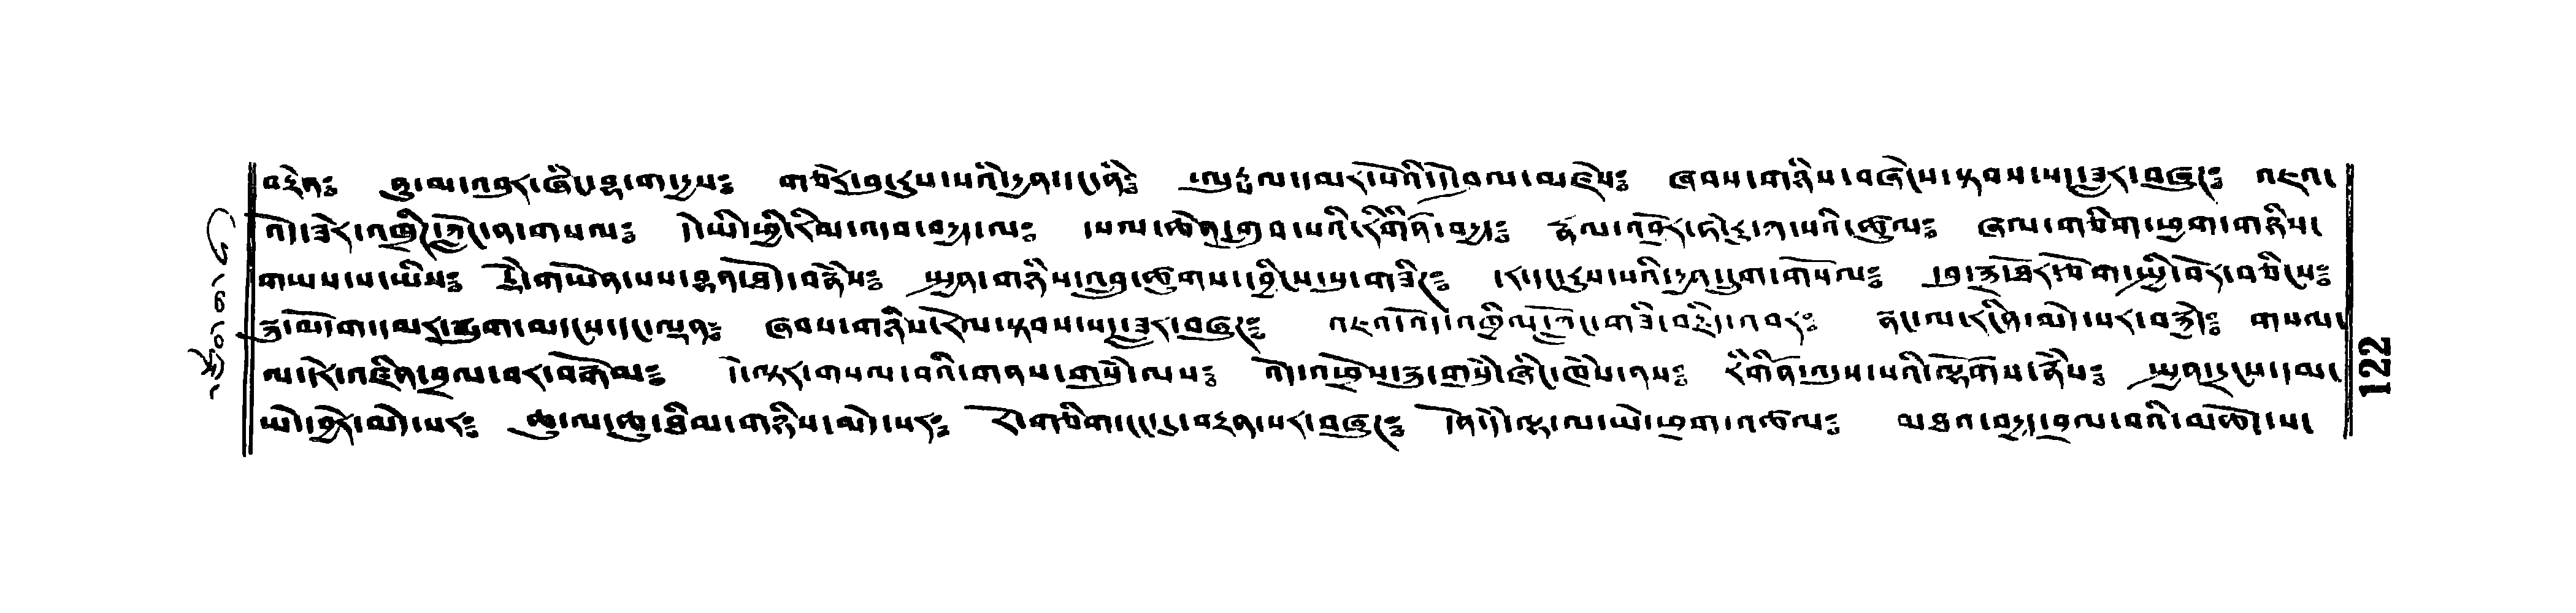བརྟེན༔ ནུ་མ་འབུར་ཞིང་བྷ་ག་རྒྱས༔ གཅེར་བུ་རུས་པའི་རྒྱན་དང་ནི༔ ཨུཏྤལ་དམར་པོའི་དོ་ཤལ་མཛེས༔ ཞབས་གཉིས་བཞེངས་སྟབས་པད་ཟླར་བཞུགས༔ འཇའ་
འོད་ཟེར་འཁྲིགས་ཀློང་ན་གསལ༔ དེ་ཡི་ཕྱི་རིམ་འདབ་བརྒྱད་ལ༔ དཔལ་ཆེན་གྲུབ་པའི་རིག་འཛིན་བརྒྱད༔ རྣལ་འབྱོར་ཧེ་རུ་ཀ་པའི་ཚུལ༔ ཞལ་གཅིག་ཕྱག་གཉིས་
གཡས་པ་ཡིས༔ རྡོ་རྗེ་གཡོན་པས་བྷན་ཐོད་བསྣམས༔ སྤྱན་གཉིས་འབྲུ་ཚུགས་དབྱིངས་སུ་གཟིགས༔ དར་དང་རུས་པའི་རྒྱན་དྲུག་གསོལ༔ དབུ་སྐྲ་ཐོར་ཅོག་སྤྱི་བོར་བཅིངས༔ 
སྐུ་མདོག་དམར་སྨུག་མདངས་དང་ལྡན༔ཞབས་གཉིས་རོལ་སྟབས་པད་ཟླར་བཞུགས༔ འཇའ་འོད་འཁྱིལ་ཀློང་གཟི་བརྗིད་འབར༔ སྣང་ལ་རང་བཞིན་མེད་པར་བསྐྱེད༔ གསལ་
ལ་དེར་འཛིན་བྲལ་བར་བསྒོམ༔ དེ་ལྟར་གསལ་བའི་གནས་གསུམ་ལས༔ འོད་འཕྲོས་སྐུ་གསུམ་ཞིང་ཁམས་ནས༔ རིག་འཛིན་འདུས་པའི་ལྷ་ཚོགས་རྣམས༔ སྤྱན་དྲངས་དམ་
ཡེ་དབྱེར་མེད་པར༔ ཆུ་ལ་ཆུ་ཐིམ་གཉིས་མེད་པར༔ རོ་གཅིག་ངང་དུ་བརྟན་པར་བཞུགས༔ དོན་དམ་ལྷ་ལ་ཡེ་ཕྱག་འཚལ༔ མཐའ་བརྒྱད་བྲལ་བའི་མཆོད་པ་